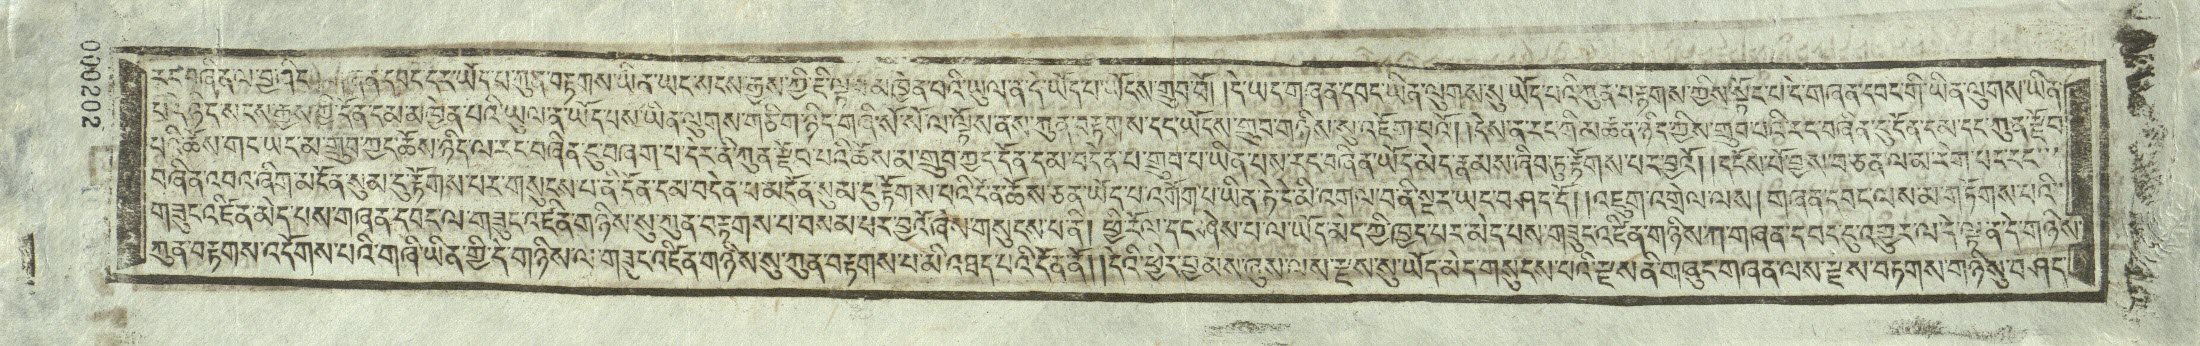རང་བཞིན་ལ་བྱ་ཞིང་། གཞན་དབང་དེར་ཡོད་པ་ཀུན་བརྟགས་ཡིན་ཡང་སངས་རྒྱས་ཀྱི་ཇི་ལྟ་བ་མཁྱེན་པའི་ཡུལ་ན་དེ་ཡོད་པ་ཡོངས་གྲུབ་བོ། །དེ་ཡང་གཞན་དབང་ཡིན་ལུགས་སུ་ཡོད་པའི་ཀུན་བརྟགས་ཀྱིས་སྟོང་པ་དེ་གཞན་དབང་གི་ཡིན་ལུགས་ཡིན་
པ་དེ་ཉིད་སངས་རྒྱས་ཀྱི་དོན་དམ་མཁྱེན་པའི་ཡུལ་ན་ཡོད་པས་ཡིན་ལུགས་གཅིག་ཉིད་གཞི་སོ་སོ་ལ་ལྟོས་ནས་ཀུན་བརྟགས་དང་ཡོངས་གྲུབ་གཉིས་སུ་འཇོག་པའོ། །དེས་ན་རང་གི་མཚན་ཉིད་ཀྱིས་གྲུབ་པའི་རང་བཞིན་དུ་དོན་དམ་དང་ཀུན་རྫོབ་
བའི་ཆོས་གང་ཡང་མ་གྲུབ་ཀྱང་ཆོས་ཉིད་ལ་རང་བཞིན་དུ་བཞག་པ་དེར་ནི་ཀུན་རྫོབ་པའི་ཆོས་མ་གྲུབ་ཀྱང་དོན་དམ་བདེན་པ་གྲུབ་བ་ཡིན་པས་རང་བཞིན་ཡོད་མེད་རྣམས་ཞིབ་ཏུ་རྟོགས་པར་བྱའོ། །དངོས་པོ་བྱས་པ་ཅན་ལ་མ་རིག་པར་རང་
བཞིན་འབའ་ཞིག་མངོན་སུམ་དུ་རྟོགས་བར་གསུངས་པ་ནི་དོན་དམ་བདེན་པ་མངོན་སུམ་དུ་རྟོགས་པའི་དོན་ཆོས་ཅན་ཡོད་པ་འགོག་པ་ཡིན་ཏེ་དེ་མི་འགལ་བ་ནི་སྔར་ཡང་བཤད་དོ། །འཇུག་འགྲེལ་ལས། གཞན་དབང་ལས་མ་གཏོགས་པའི་
གཟུང་འཛིན་མེད་པས་གཞན་དབང་ལ་གཟུང་འཛིན་གཉིས་སུ་ཀུན་བརྟགས་པ་བསམ་བར་བྱའོ་ཞེས་གསུངས་པ་ནི། ཕྱི་རོལ་དང་ཤེས་པ་ལ་ཡོད་མེད་ཀྱི་ཁྱད་པར་མེད་པས་གཟུང་འཛིན་གཉིས་ཀ་གཞན་དབང་དུ་འགྱུར་ལ་དེ་ལྟ་ན་དེ་གཉིས་
ཀུན་བརྟགས་འདོགས་པའི་གཞི་ཡིན་གྱི་དེ་གཉིས་ལ་གཟུང་འཛིན་གཉིས་སུ་ཀུན་བརྟགས་པ་མི་འཐད་པའི་དོན་ནོ། །དེའི་ཕྱིར་བྱམས་ཞུས་ལས་རྫས་སུ་ཡོད་མེད་གསུངས་པའི་རྫས་ནི་གཞུང་གཞན་ལས་རྫས་བཏགས་གཉིས་སུ་བཤད་